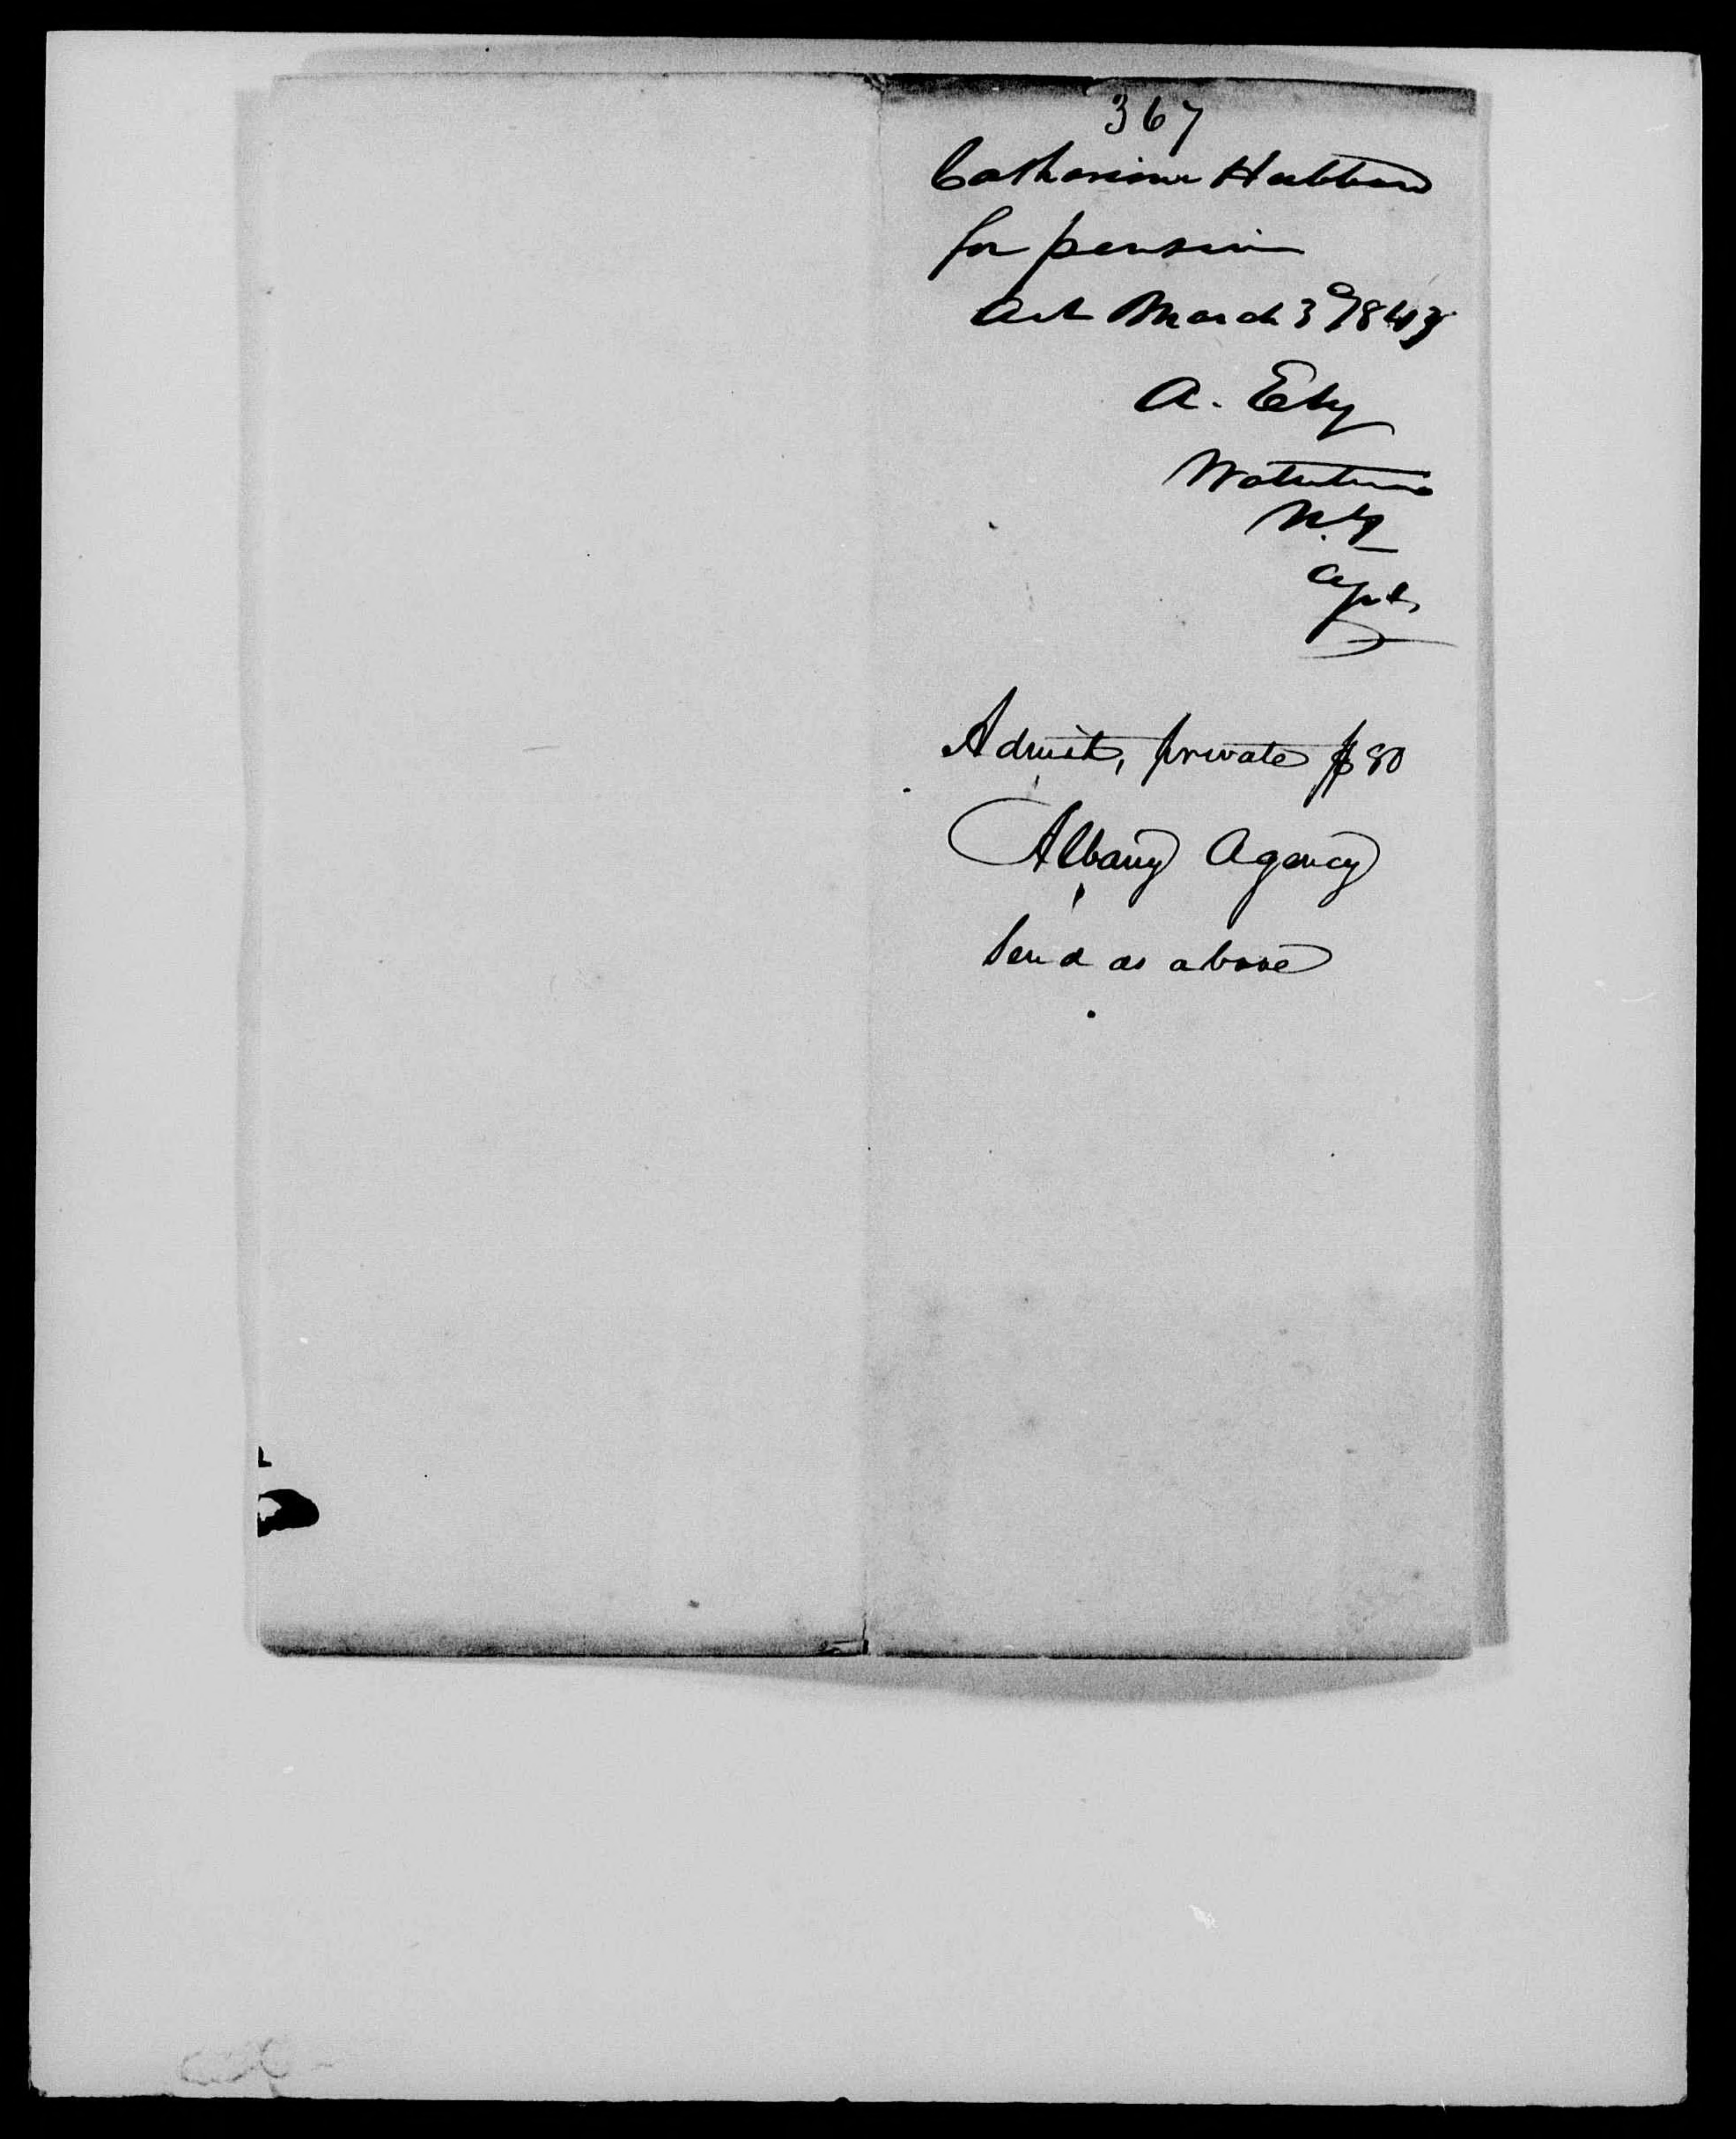Catherine Hubbard for pension March 3, 1843 
A Edy 

 Private $80
Albany Agency
Send as above.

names: A Ely, Catharine Hubbard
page: 2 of 38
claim: widow's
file: W. 23,381, Abner Hubbard, Continental Mass.